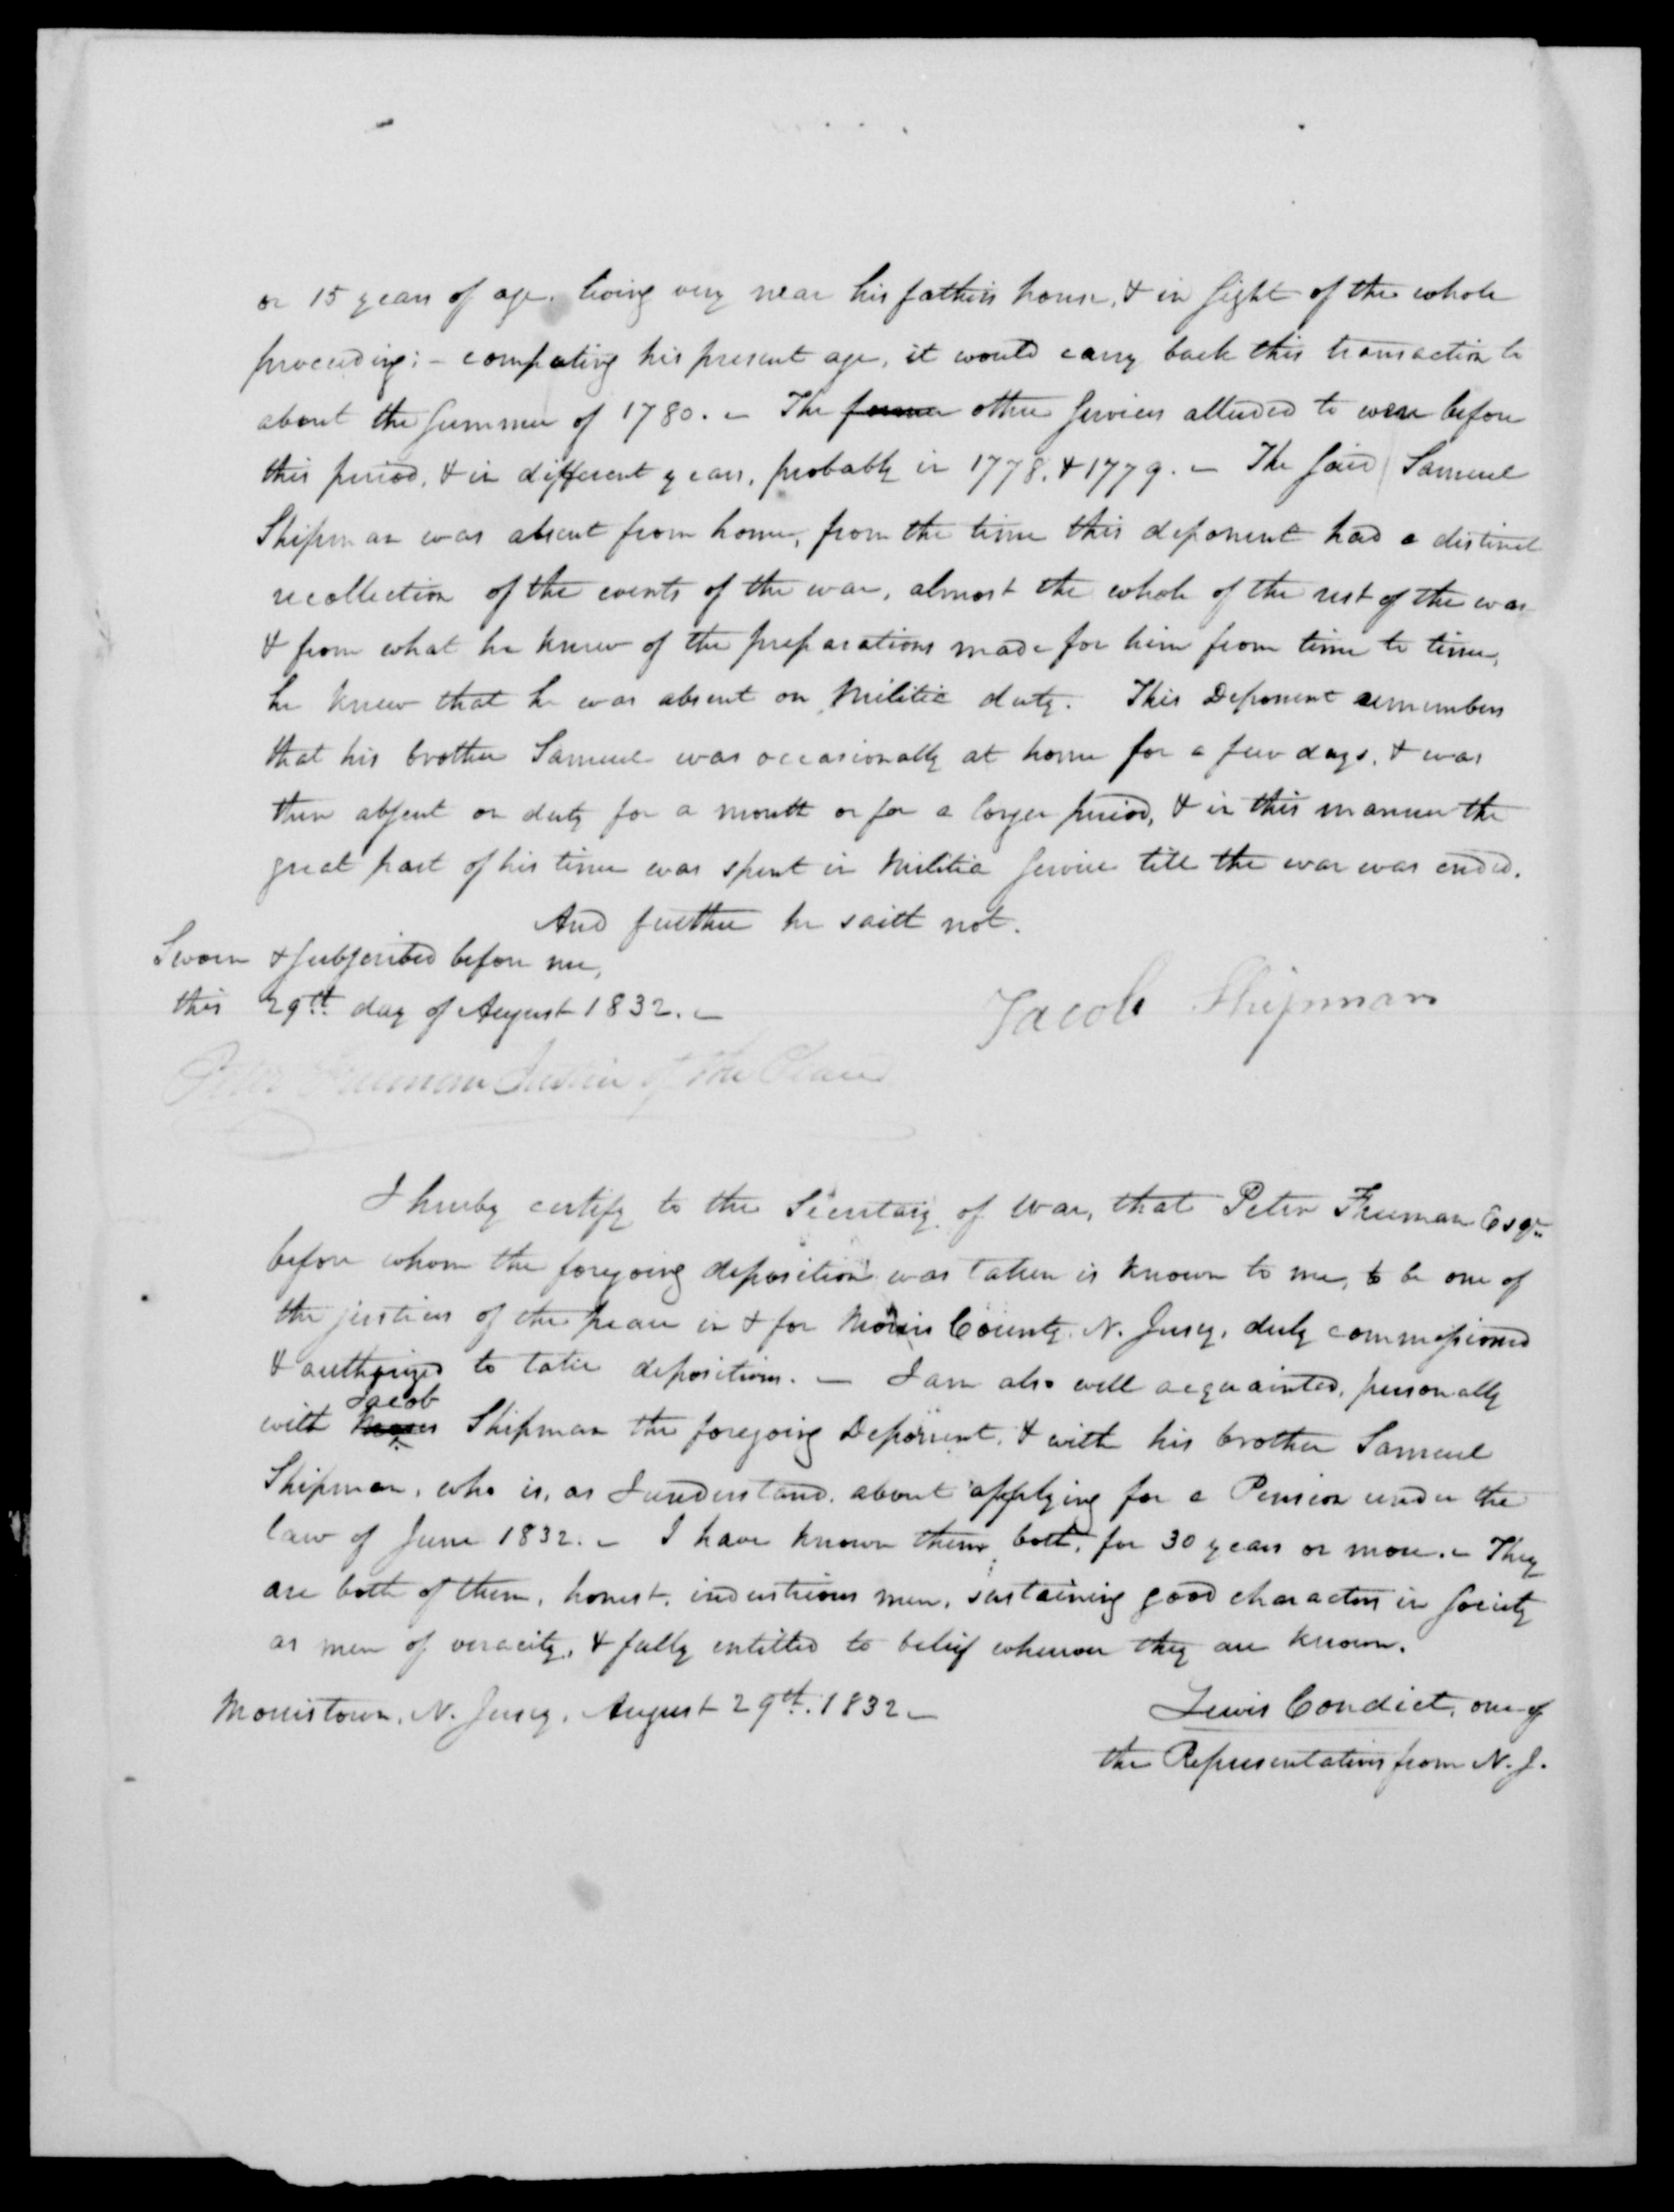or 15 years of age, being very near his father's house + in sight of the whole proceeding -- computing his present age, it would carry back this transaction to about the summer of 1780.  The other services attended to were before this period + in different years, probably in 1778 + 1779. - The said Samuel Shipman was about from home, from the time this deponent had a distinct recollection of the events of the war, almost the whole of the rest of the war + from what he knew of the preparations made for him from time to time, he knew that he was about on militia duty.  This deponent remembers that his brother Samuel was occasionally at home for a few days + was then absent on duty for a month or for a longer period, + in this manner the great part of his time was spent in militia service till the war was ended.  And further he said not.  Jacob Shipman
Sworn + subscribed before me, this 29th day of August 1832. Peter Freeman Justice of the Peace
   I hereby certify to the Secretary of war, that Peter Freeman Esqr. before whom the foregoing deposition was taken is known to me to be one of the justices of the peace in + for Morris County N. Jersey, duly commissioned + authorized to take depositions.  I am also well acquainted personally with Jacob Shipman the foregoing deponent + with his brother Samuel Shipman, who is, as I understand, about applying for a pension under the law of June 1832.  I have known them both for 30 years or more.  They are both of the, honest, industrious men, sustaining good character in society as men of veracity + fully entitled to belief wherever they are know.
Lewis Condict, one of the Representatives from N.J.  
Morristown, N. Jersey, August 29th, 1832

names: Jacob Shipman; Peter Freeman; Lewis Condict; Samuel Shipman; Jacob Shipman; Samuel Shipman; Samuel [BLANK]; Peter Freeman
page: 14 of 44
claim: survivor's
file: S. 912, for Samuel Shipman, New Jersey